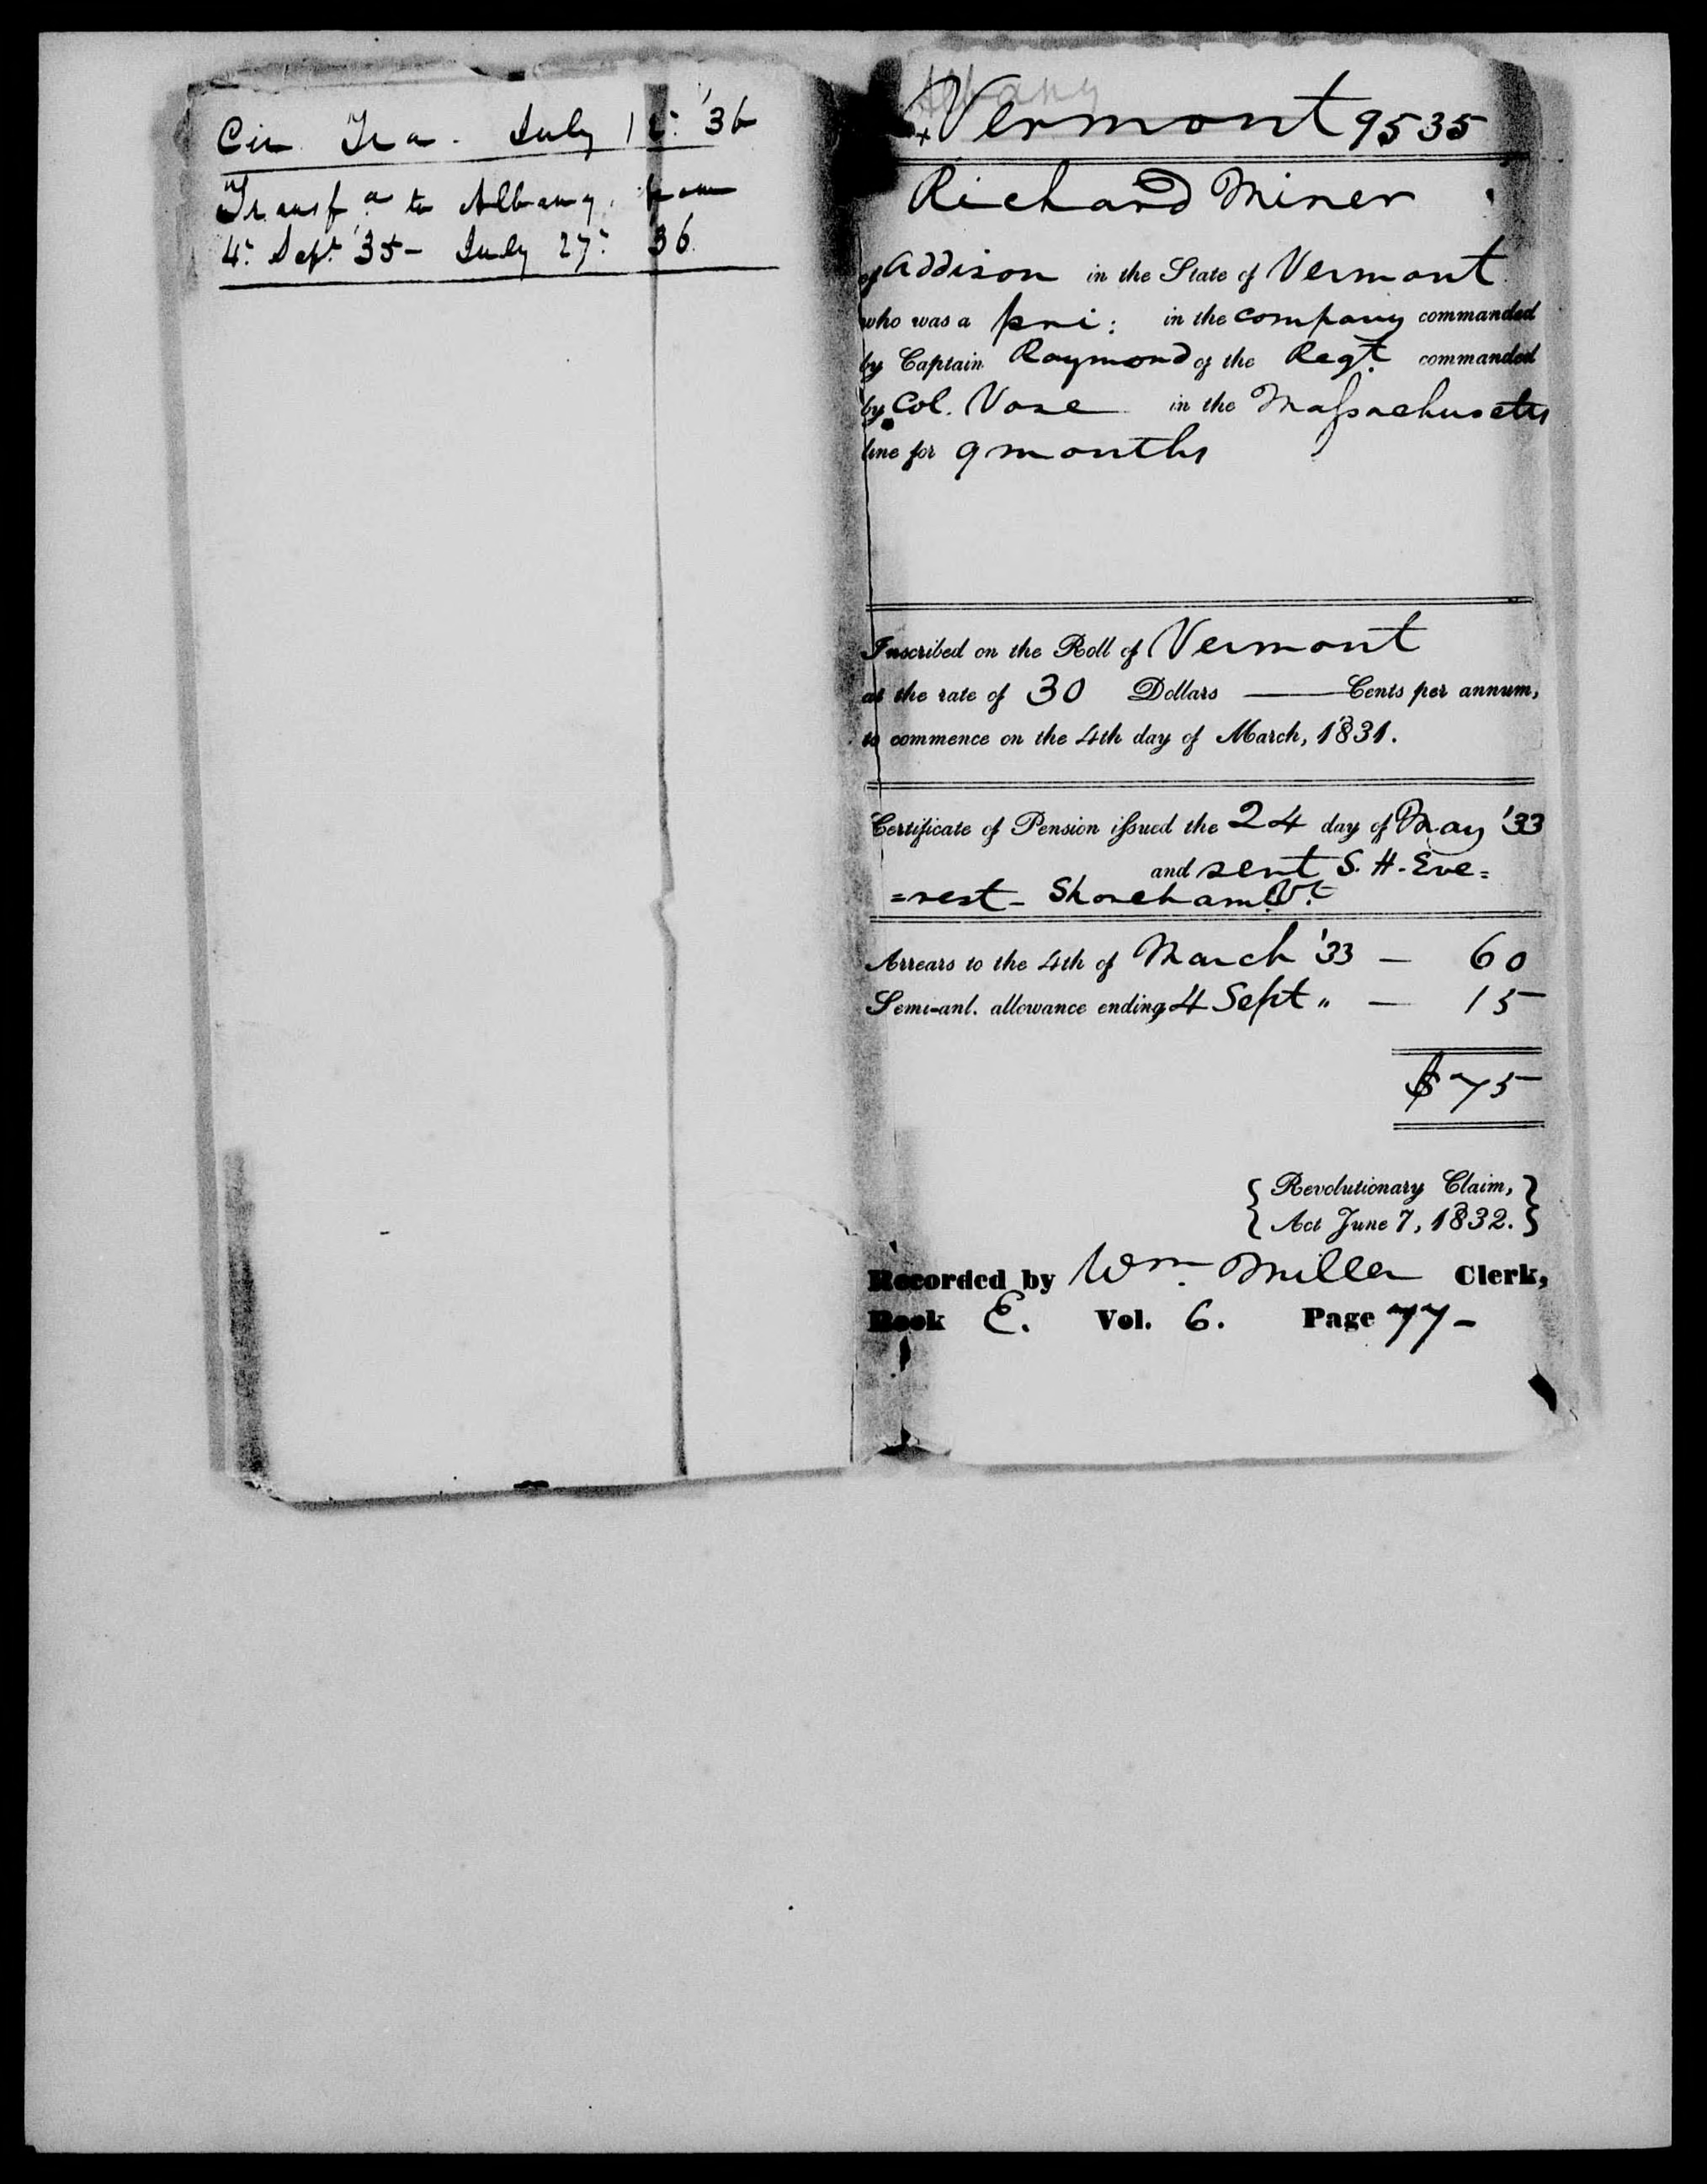Cir. Tra. July 1[illegible] 36
Transf to Albany
4 Sept 35- July 27 36

Vermont 9535
Richard Miner
of Addison in the State of Vermont
who was a pri: in the company commanded
by Captain Raymond of the Regt commanded
by Col. Vose in the Massachusetts
line for 9 months
Inscribed on the Roll of Vermont
the rate of 30 Dollars ___Cents per annum, 
to commence on the 4th day of March, 1831.
Certificate of Pension issued the 24 day of May '33 and sent S.H. Everest 
Shoreham Vt

Arrears to the 4th of March '33   60
Semi-anl. allowance ending 4 Sept '33  15
$75
Revolutionary Claim, Act June 7, 1832
Recorded by Wm Miller Clerk,
Book E Vol. 6 Page 77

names: [BLANK] Raymond; S H Everest; [BLANK] Vose; Wm Miller; Richard Miner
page: 2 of 34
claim: survivor's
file: S. 13944, for Richard Miner, Massachusetts